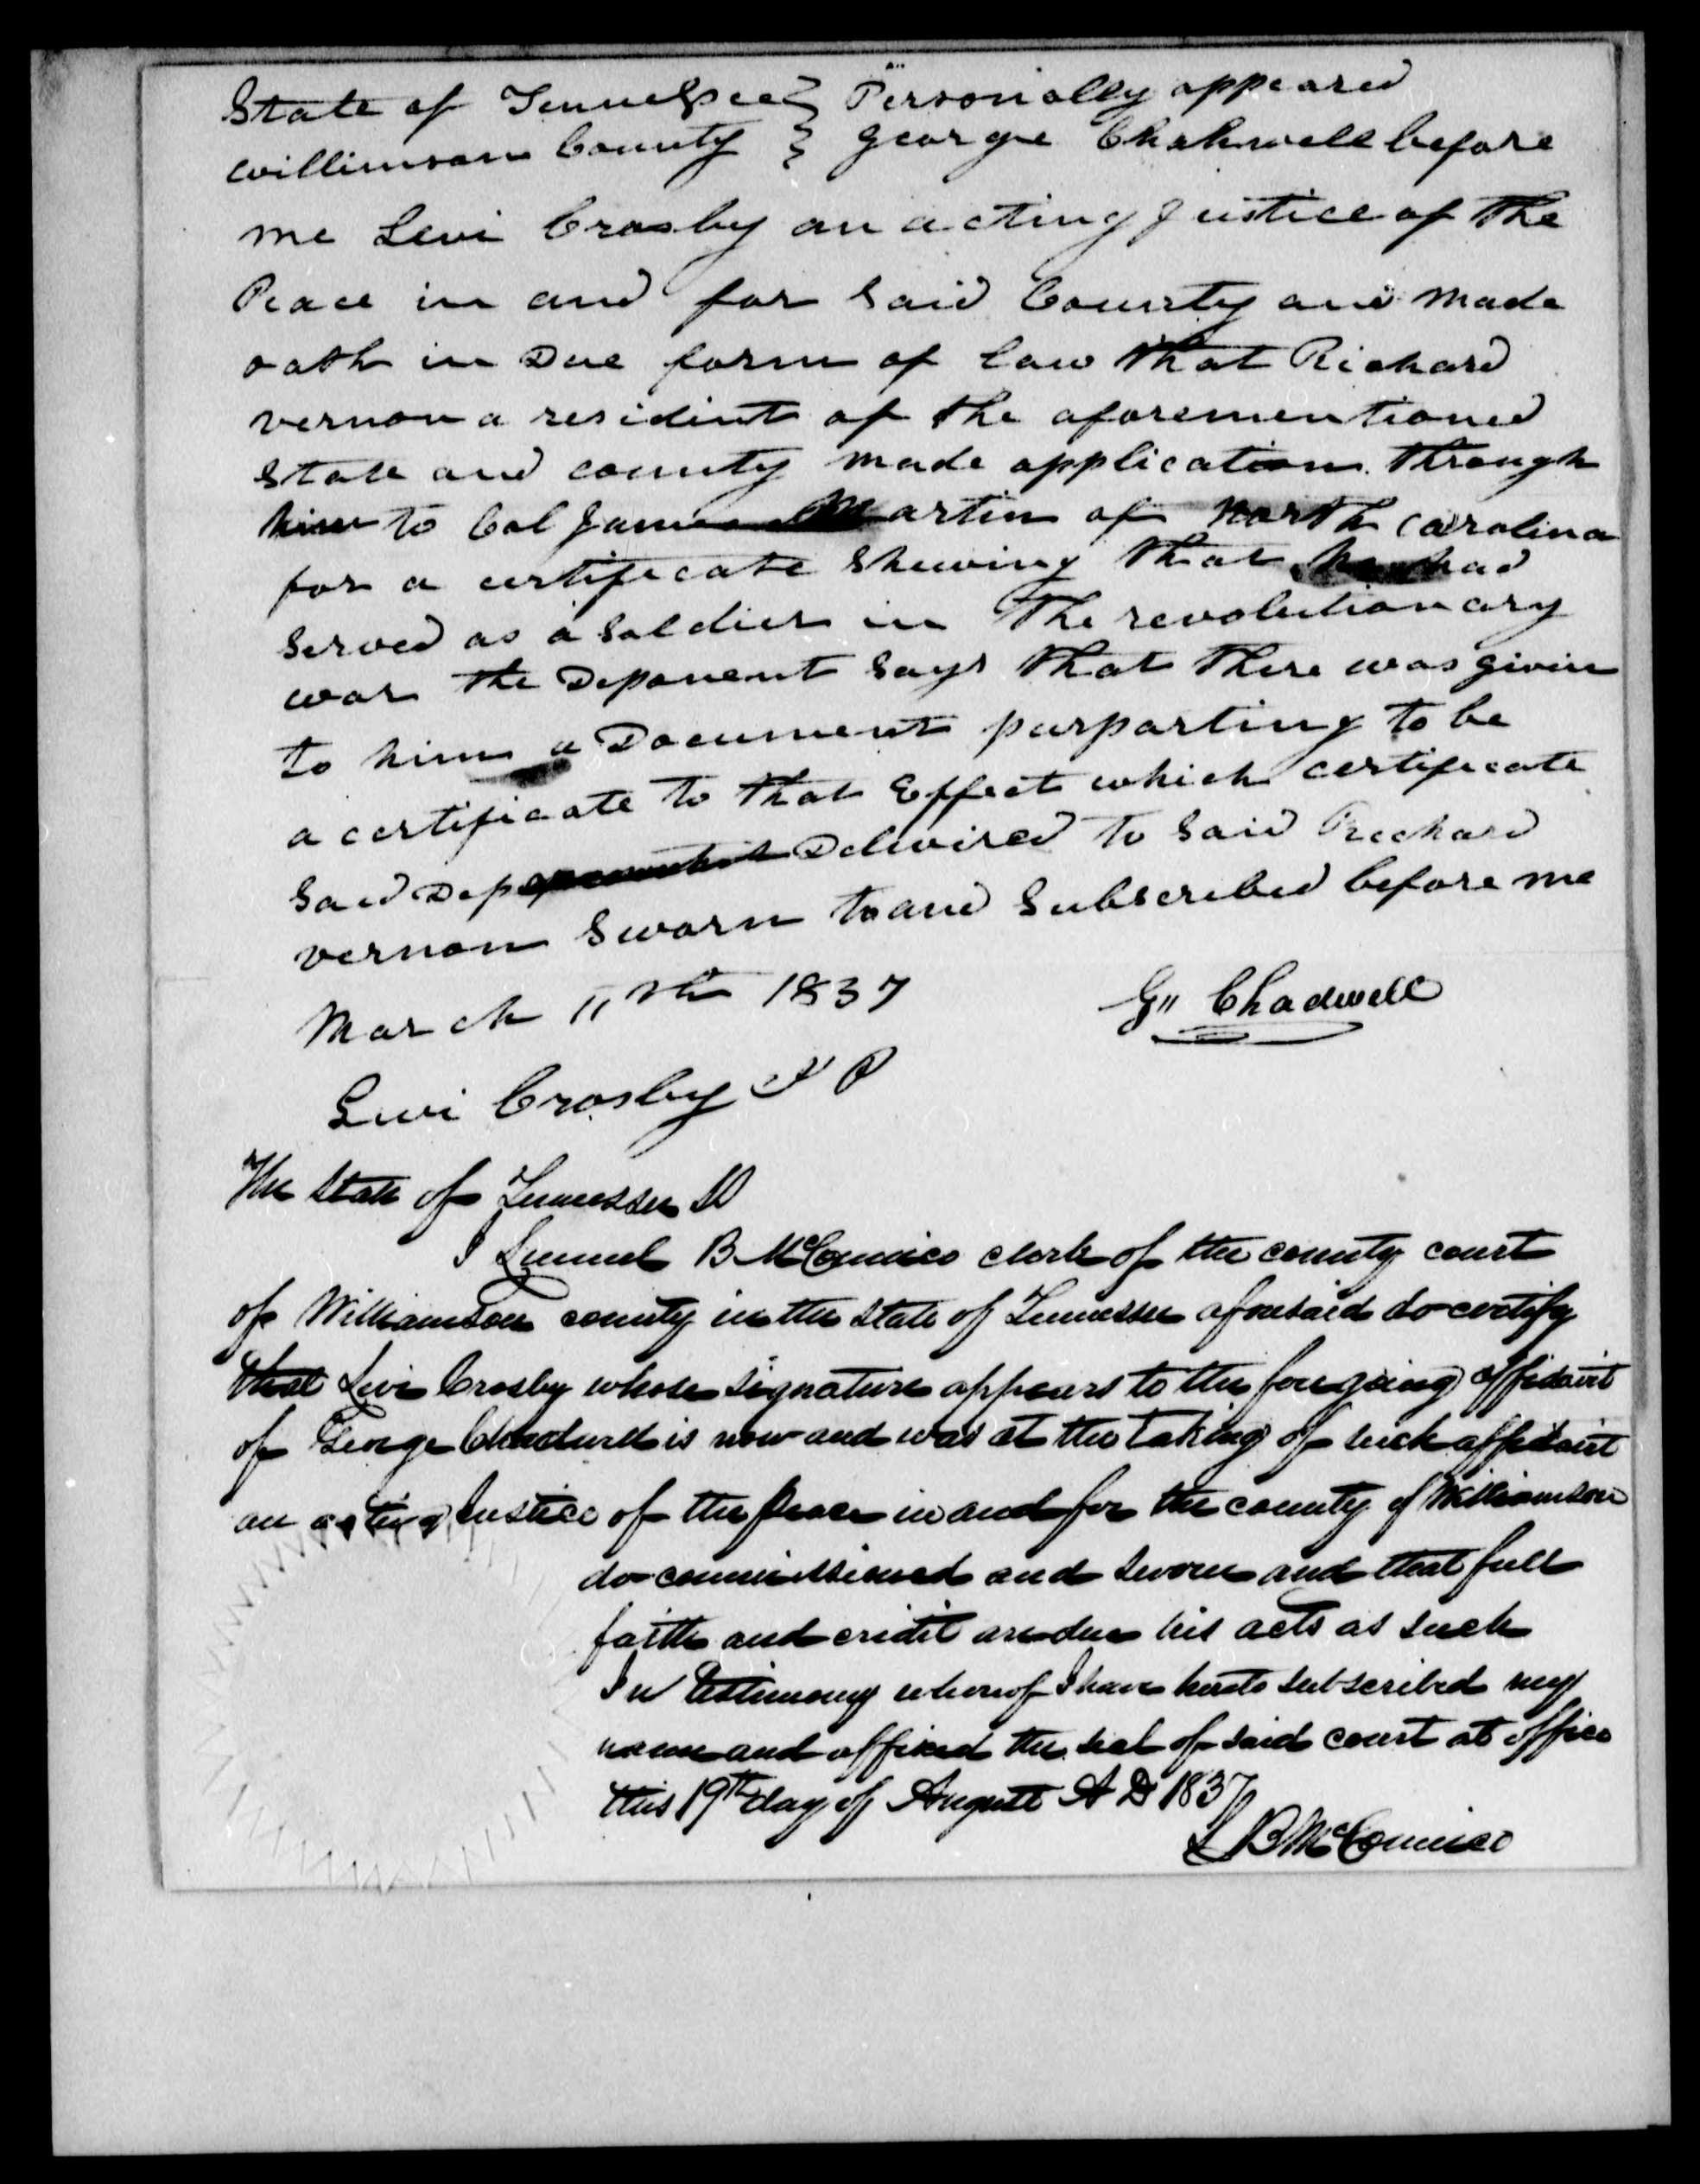State of Tennessee}
Williamson County}

Personally appeared George Chadwell before me Levi Crosby an acting Justice of the Peace in and for Said County and made oath in due form of law that Richard Vernon a residents of the aforementioned state and county made application through him to Col. James Martin of North Carolina for a certificate showing that Richard served as a soldier in the revolutionary war the Deponent says that there was given to him a Document purporting to be a certificate to that effect which certificate Said Deponent Delivered to Said Richard Vernon Sworn to and Subscribed before me March 11th 1837 
G’’ Chadwell
Levi Crosby J P

The State of Tennessee SS.
I Lemuel B. McConnico clerk of the county courts of Williamson county in the State of Tennessee aforesaid to certify that Lei Crosby whose signature appears to the foregoing affidavit of George Chadwell is now and was at the taking of such affidavit an acting Justice of the Peace in and for the county of Williamson do commissioned and Sworn and that full faith and credit are due his acts as such In Testimony whereof I have hereunto Subscribed my name and affixed the Seal of Said courts at office this 19th day of August A D 1837
Lemuel B McConnico
[outline of seal with pointed edging]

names: Levi Crosby, L B Mc Connico, Lemuel B Mc Connico, James Martin, George Chadwell, George Chadwell, Levi Crosby, Levi Crosby, Richard Vernon, G Chadwell, Richard Vernon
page: 97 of 105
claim: survivor's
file: S. 1883, Richard Vernon, N.C.